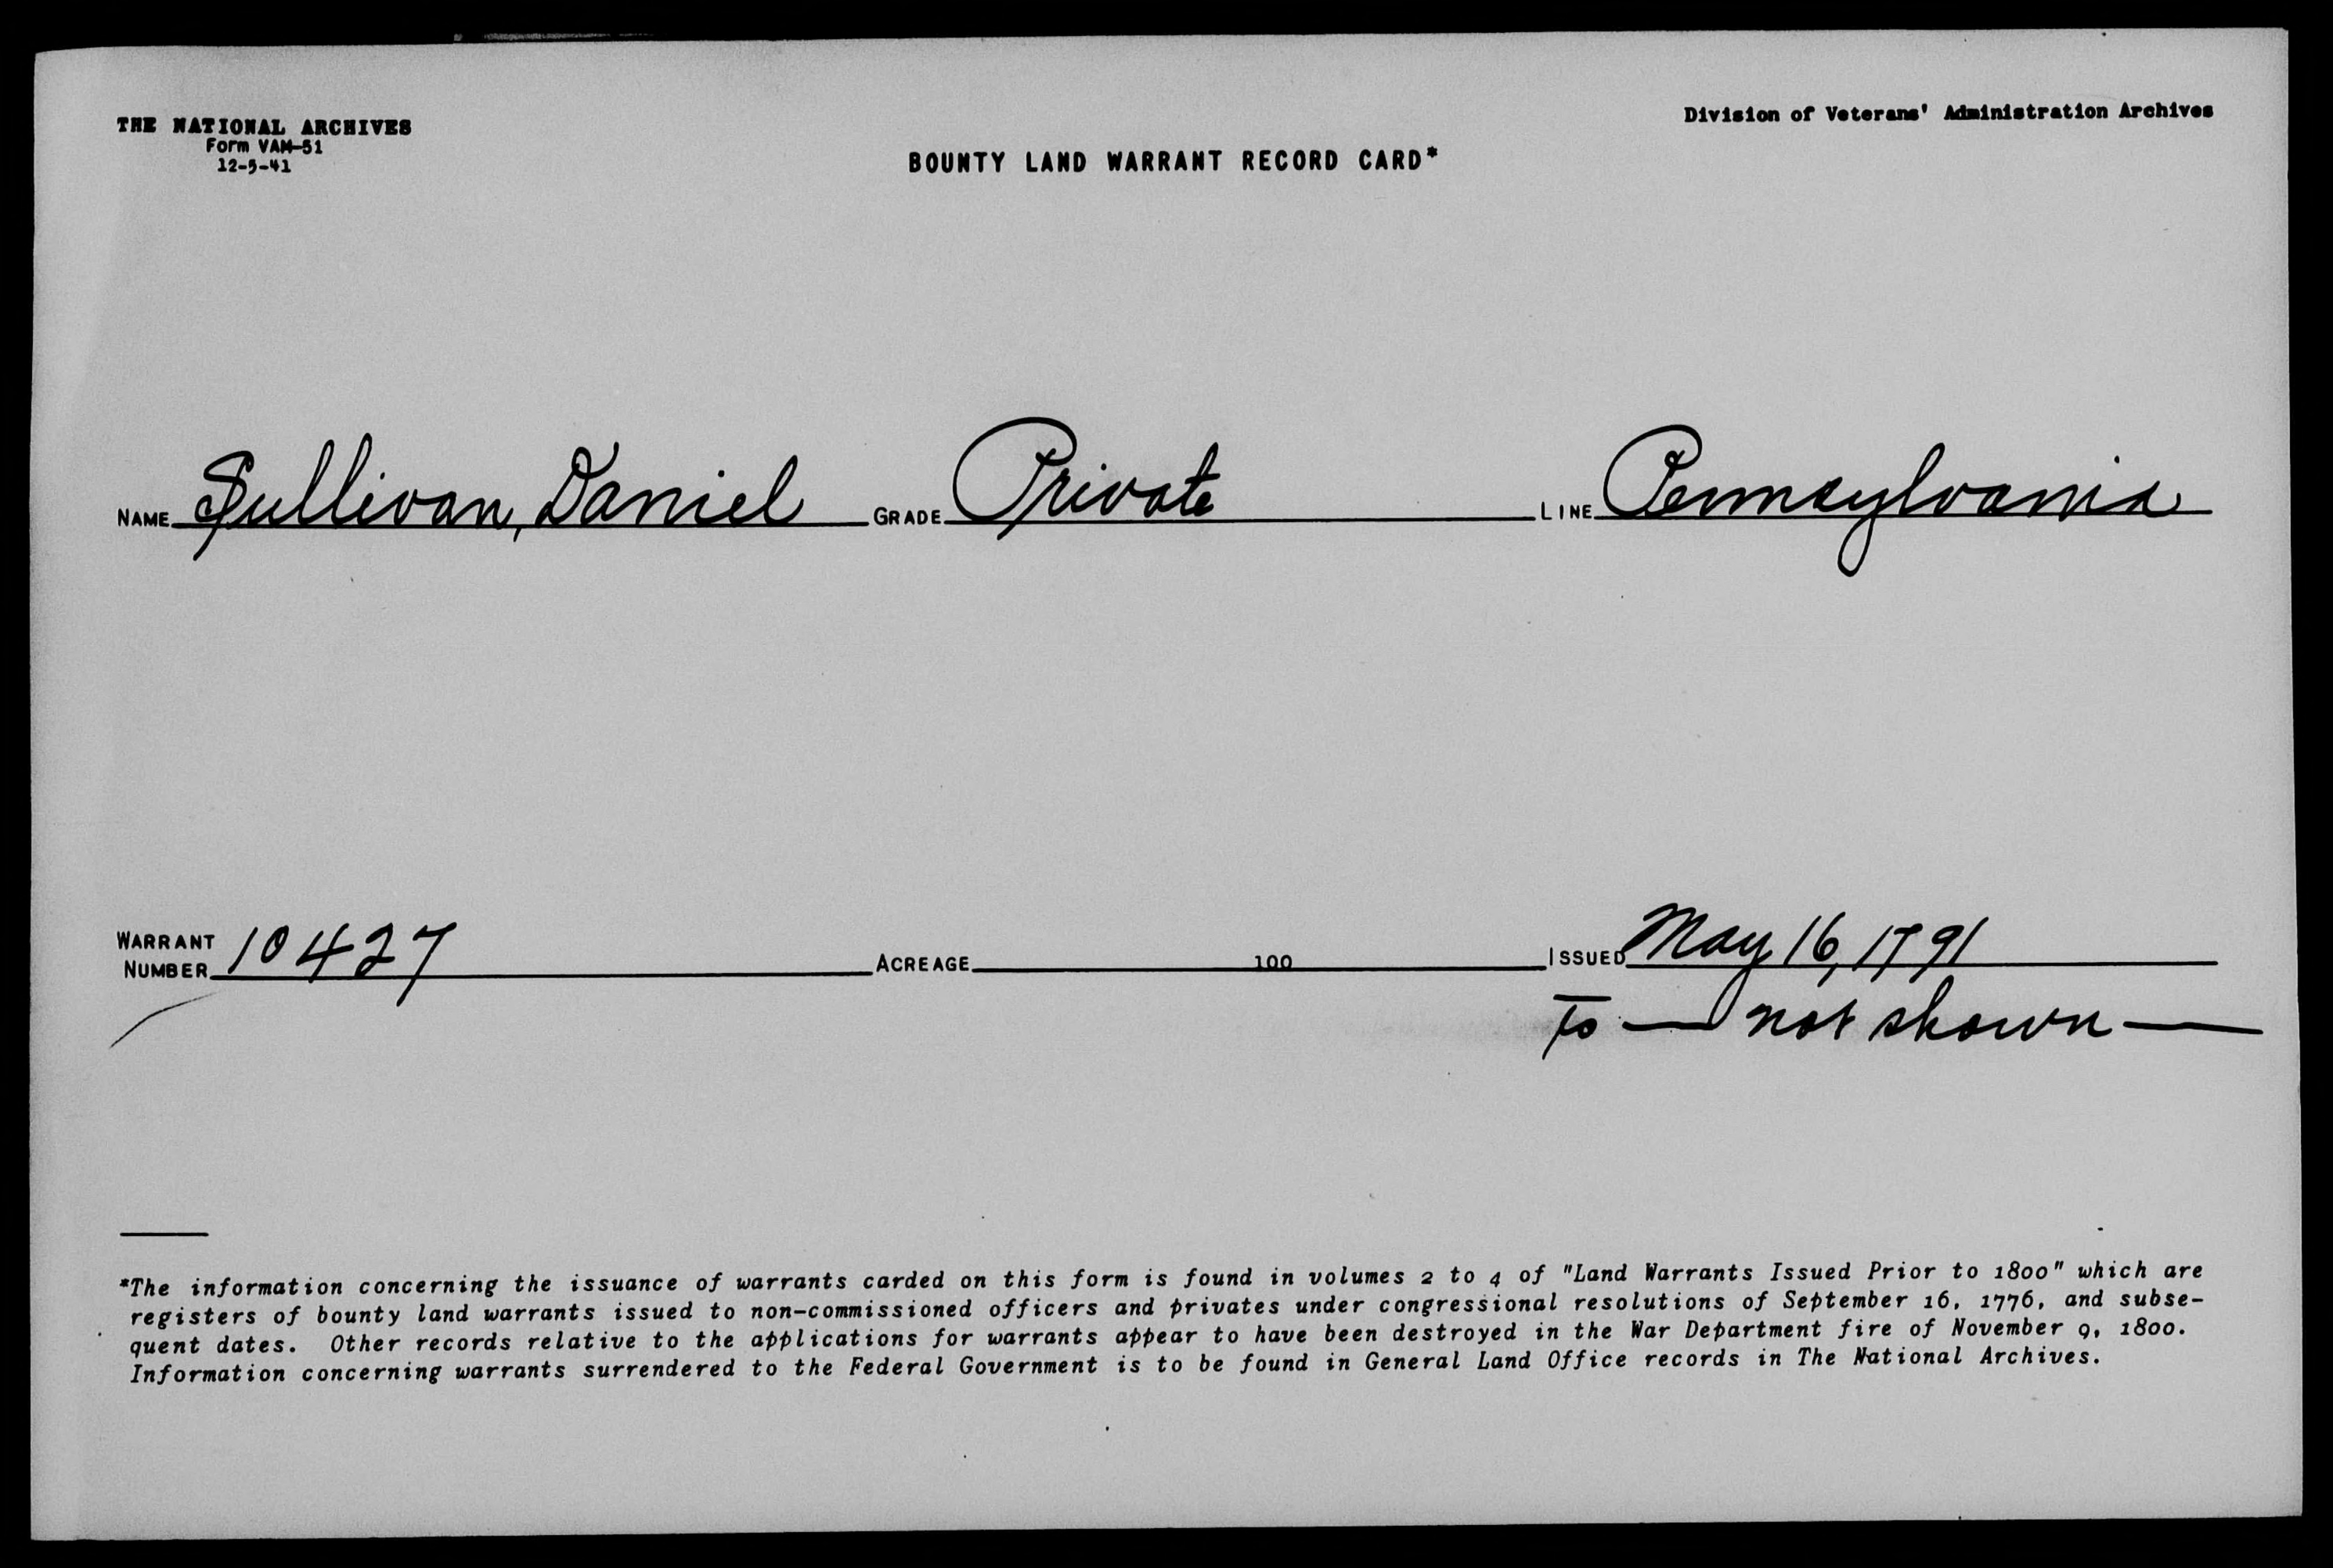[printed form, blanks filled by hand]

The National Archives 
Form VAM-51 
12-5-41 

Division of Veterans' Administration Archives

Bounty Land Warrant Record Card*

NAME Sullivan, Daniel GRADE Private LINE Pennsylvania

WARRANT NUMBER 10427 ACREAGE 100 ISSUED May 16, 1791 To --- Not Shown ---

*The information concerning the issuance of warrants carded on this form is found in volumes 2 to 4 of "Land Warrants Issued Prior to 1800" which are registers of bounty land warrants issued to non-commissioned officers and privates under congressional resolutions of September 16, 1776, and subsequent dates. Other records relative to the applications for warrants appear to have been destroyed in the War Department fire of November 9, 1800. Information concerning warrants surrendered to the Federal Government is to be found in General Land Office records in The National Archives.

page: 78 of 78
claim: widow's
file: W. 25,169, for Daniel Sullivan, Maryland